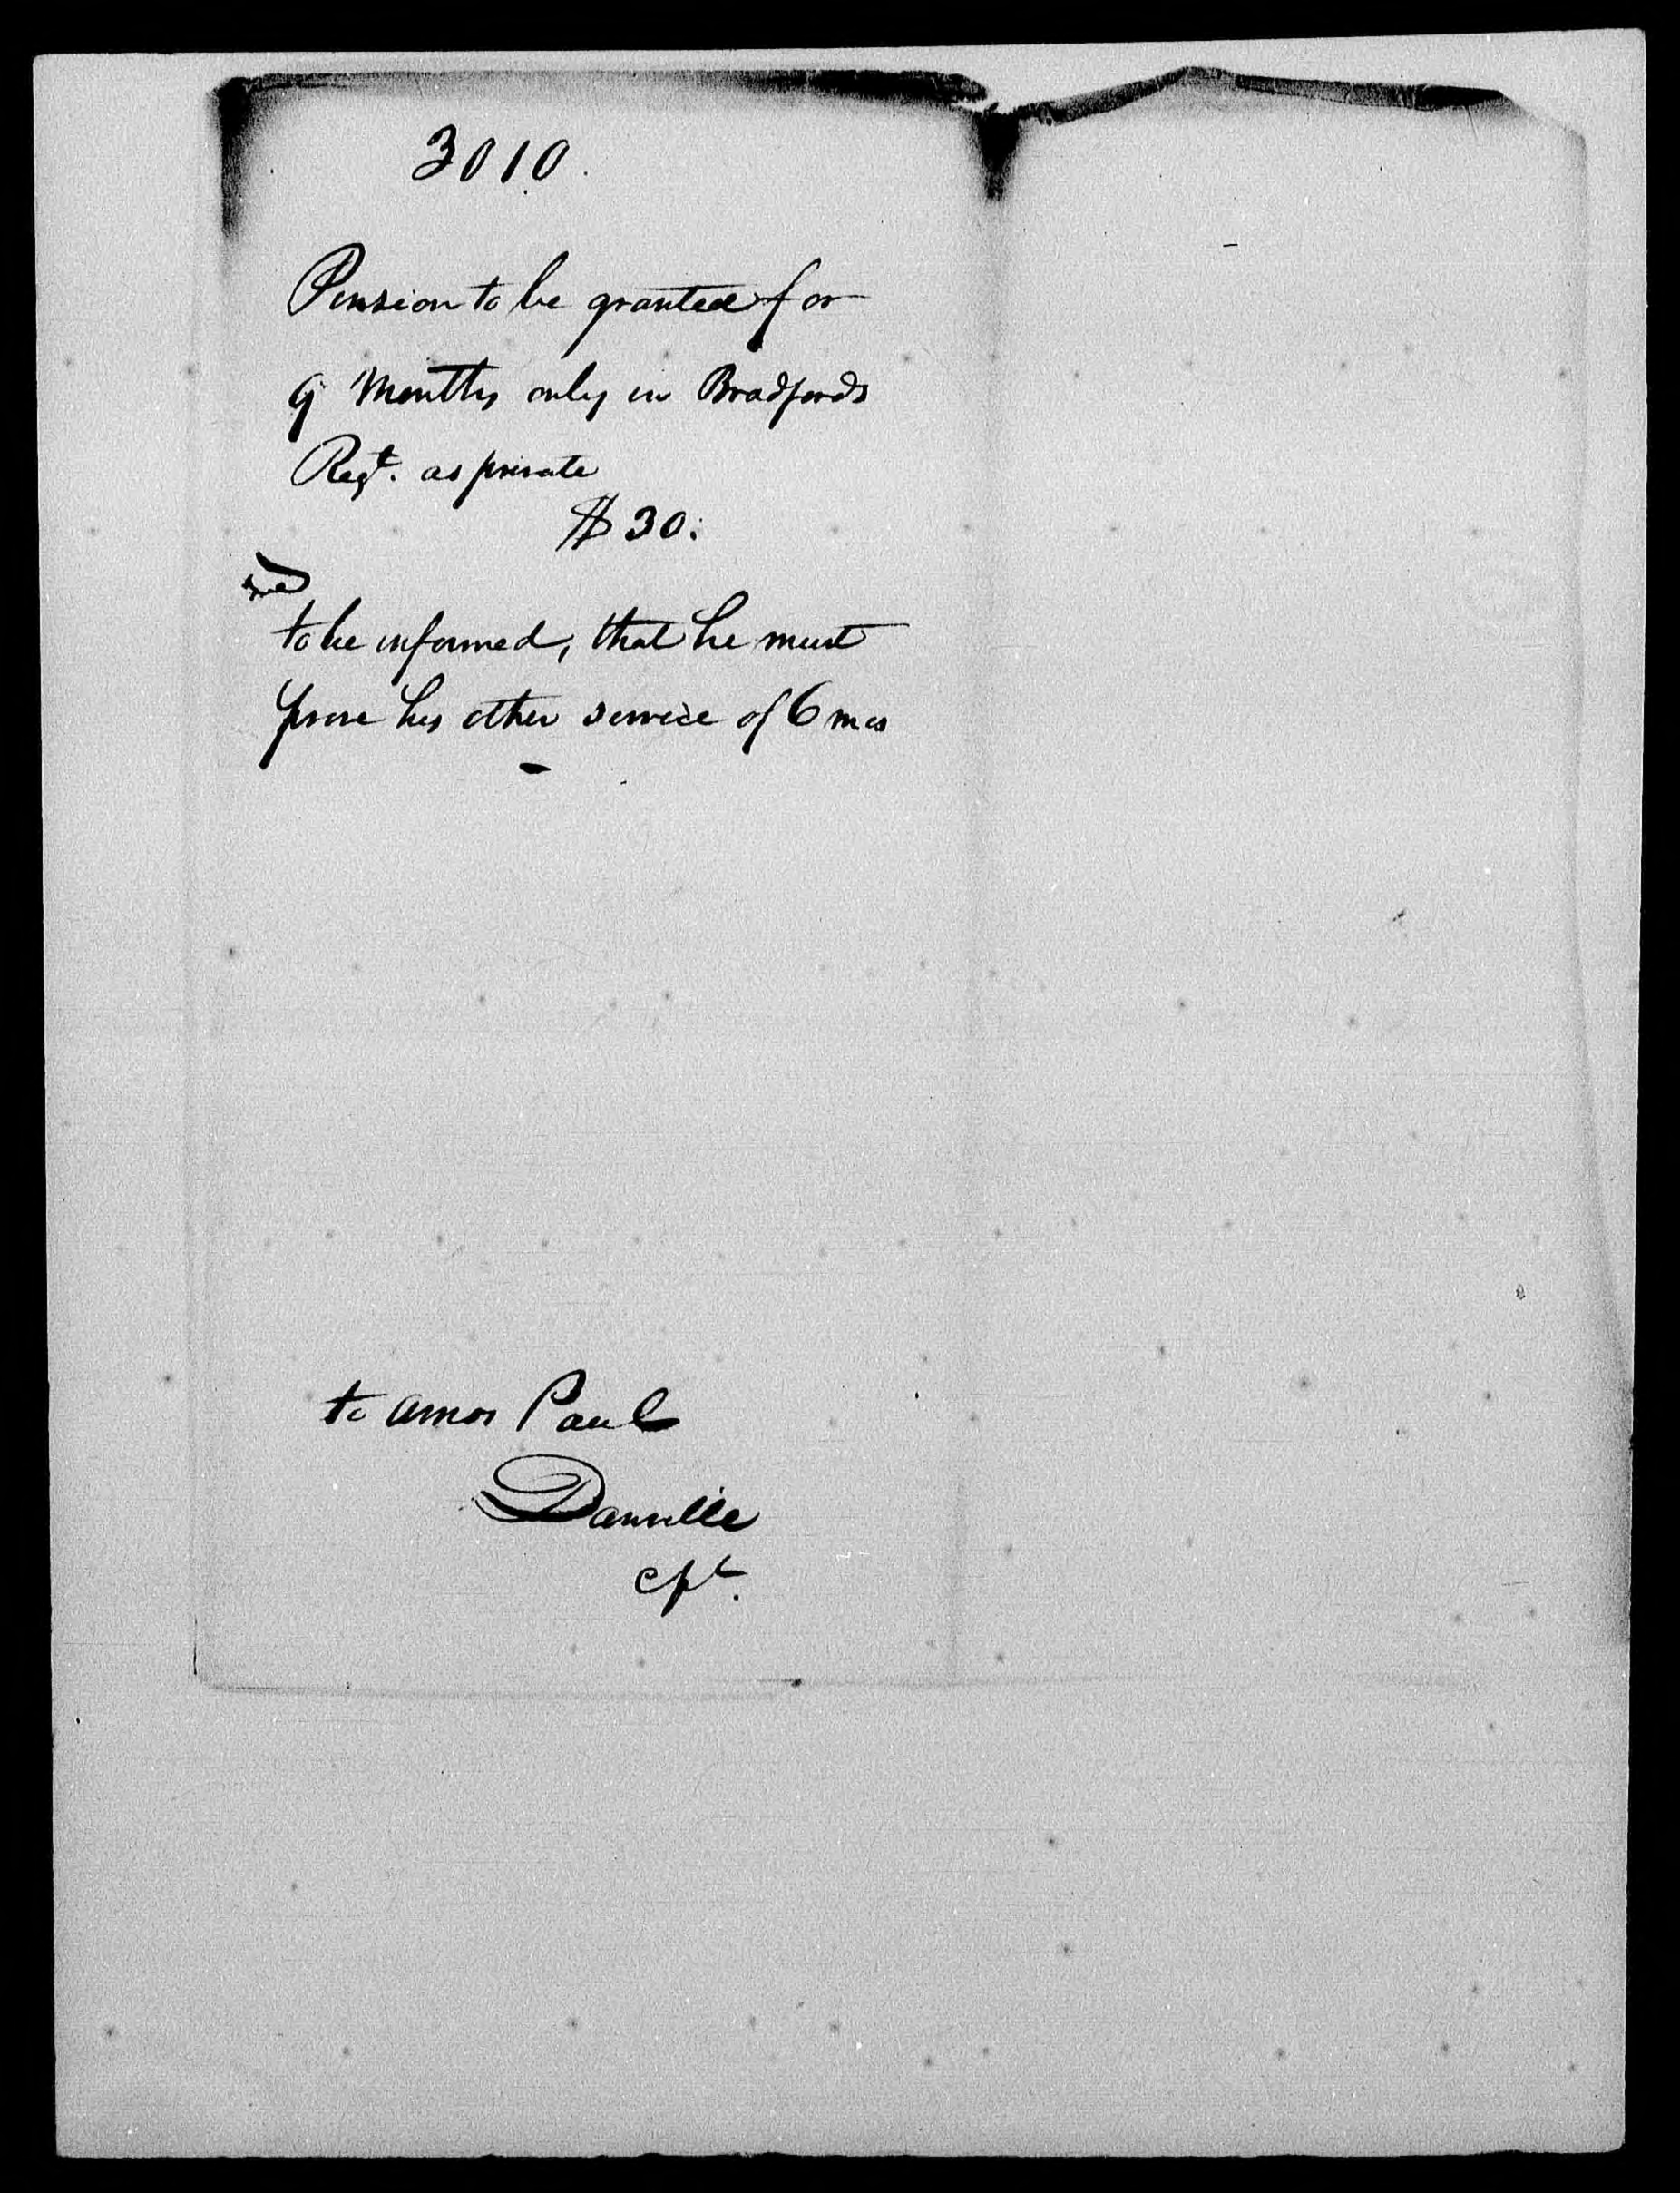3010
Pension to be granted for
9 months only in Bradford's
Regt as private
$30.
to be informed, that he must
prove his other service of 6 mos
to Amos Paul
Danville
.
-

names: Amos Paul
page: 10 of 29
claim: survivor's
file: S. 18830, Daniel Fuller, Mass.